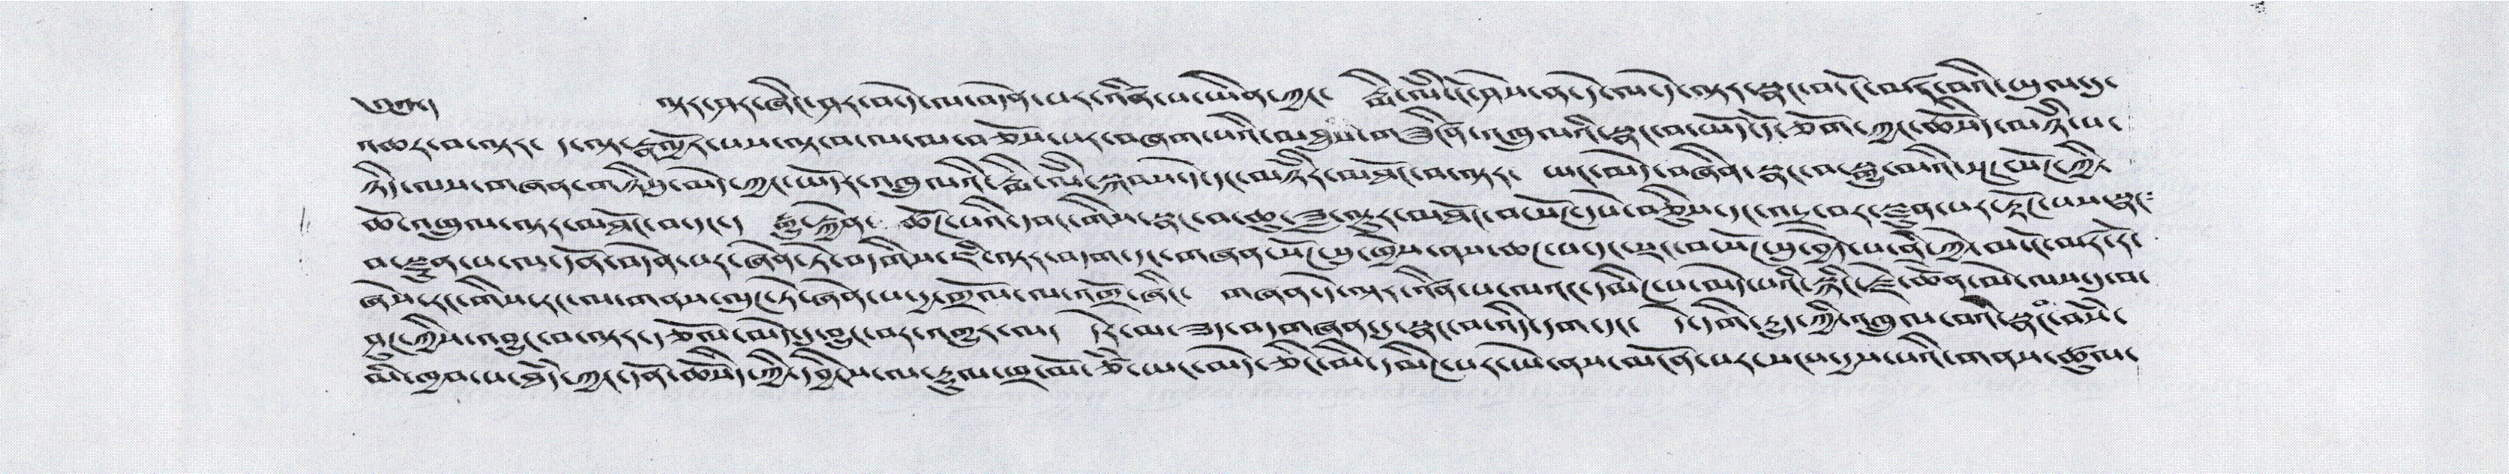ལྟར་ཤར་ཞིང་ཤར་བ་དེ་ལ་བདེན་པར་འཛིན་པ་ཡིན་ཀྱང་། རྨི་ལམ་ངོ་ཤེས་ན་དེ་ལ་དེ་ལྟར་སྣང་བ་ངོ་མཚར་བའི་ཡུལ་དུ་
འཆར་བ་ལྟར་ད་ལྟ་རྣལ་འབྱོར་བས་ལྟ་བ་ལ་མ་བཅོས་པར་བཞག་པའི་འཐུས་གཟུང་འཛིན་འཁྲུལ་པའི་སྣང་བ་ཡོད་དོ་ཅོག་ཀྱང་ཆོས་ཉིད་མཉམ་པ་
ཉིད་ལས་གཞན་གཉིས་སུ་མེད་ཀྱང་ཡོད་པར་འཁྲུལ་པའི་རྨི་ལམ་སྐབས་དེ་དང་མཉམ་པར་མཐོང་བ་ལྟར། ཡང་མེད་བཞིན་སྣང་བ་སྒྱུ་མའི་སྔགས་སོགས་ཀྱི་
ཆོ་འཕྲུལ་ལྟར་མཐོང་བ་དང་། རྒྱུ་རྐྱེན་ཚོགས་པའི་དབང་གིས་སྣང་བ་ཆུ་ཟླ་ལྟ་བུར་སྣང་བ་སོགས་ཀྱིས་དཔེ་བཅུ་གཉིས་དང་འདྲ་བར་རྫུན་པར་རྟོགས་པས་སྣང་
བ་རྫུན་པ་ལ་དོན་བདེན་པར་ཞེན་ཏེ་བདག་གིས་ཇི་ལྟར་བདག་དང་གཞན་སོགས་སུ་གྱེས་ནས་ཆགས་པ་དང་སྡང་བ་སོགས་སུ་བྱེད་པ་ནི་ཀྱེ་མ་ངོ་མཚར་རོ། 
ཞེས་རང་གིས་རང་ལ་གནས་ལུགས་ཏེ་ཞེན་པ་རྒྱ་གྲོལ་ལ་འགྲོ་ཞིང་། གཞན་དེ་ལྟར་འཛིན་པ་ལའང་དམིགས་པ་མེད་པའི་སྙིང་རྗེ་ཆེན་པོ་མེ་ལས་དུ་བ་
ཤུགས་ཀྱིས་འབྱུང་བ་ལྟར་རྩོལ་མེད་དུ་བྱུང་བར་འགྱུར་ལ། དེར་མ་ཟད་བདག་གཞན་དུ་སྣང་བ་འདི་དག་དང་། དེ་དག་གི་རྒྱུད་ཀྱི་འཁྲུལ་པའི་སྣང་བ་བསམ་
མི་ཁྱབ་པ་ཐམས་ཅད་ཀྱང་དོན་ཆོས་ཉིད་ཀྱི་དབྱིངས་ལ་རྡུལ་ཕྲ་མོ་ཙམ་ཡང་མེད་ཅིང་མི་དམིགས་པར་ཡེ་ནས་མངོན་པར་སངས་རྒྱས་པའི་གནས་ཚུལ་